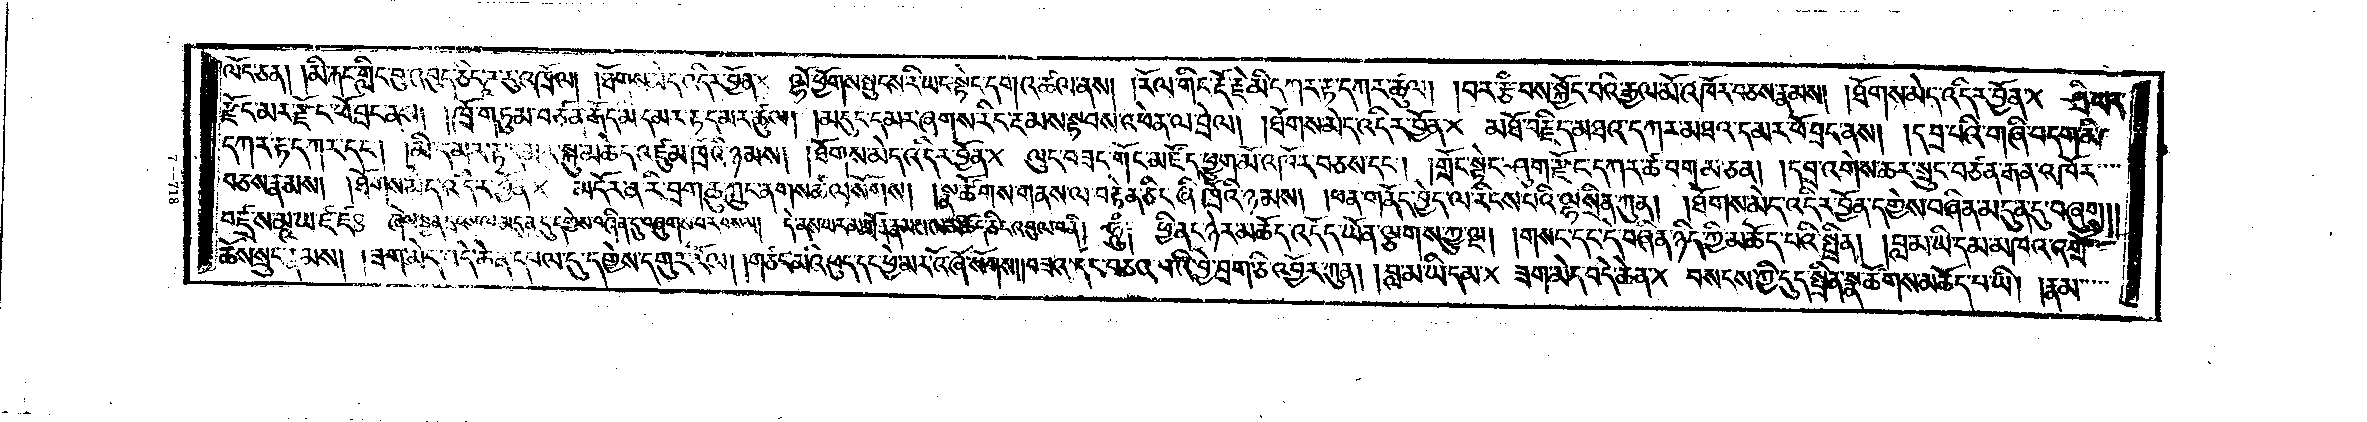ལོང་ཅན། །མི་རྐང་གླིང་བུ་འབུད་ཅིང་ཌཱ་རུ་འཁྲོལ། །ཐོགས་མེད་འདིར་བྱོན་྾་ལྷོ་ཕྱོགས་སྤུངས་རི་ཡང་སྟེར་དགའ་ཚལ་ནས། །རོལ་གིང་རྡོ་རྗེ་མི་དཀར་རྟ་དཀར་ཚུལ། །བར་རྩིབས་སྐྱོང་བའི་རྒྱལ་མོ་འཁོར་བཅས་རྣམས། །ཐོགས་མེད་འདིར་བྱོན་྾་ཤྲི་ཡར་
རྫོང་མར་རྫོང་ཕོ་བྲང་ནས། །ཁྲོ་གཏུམ་བཙན་རྒོད་མི་དམར་རྟ་དམར་ཚུལ། །མདུང་དམར་ཞགས་རིང་རྔམས་སྟབས་འཕེན་ལ་བྲེལ། །ཐོགས་མེད་འདིར་བྱོན་྾་མཐོ་བརྗིད་མཐའ་དཀར་མཐའ་དམར་ཕོ་བྲང་ནས། །དབྲ་པའི་གཞི་བདག་མི་
དཀར་རྟ་དཀར་དང་། །མི་དམར་རྟ་དམར་སྐུ་མཆེད་འཛུམ་ཁྲོའི་ཉམས། །ཐོགས་མེད་འདིར་བྱོན་྾་ལུང་བཟང་གོང་མཛོད་ཕྱུག་མོ་འཁོར་བཅས་དང་། །གྲོང་སྟེང་ཤུག་རྫོང་དཀར་ཚ་བག་མ་ཅན། །དབྲ་འགེས་ཆར་སྲུང་བཙན་རྒན་འཁོར་
བཅས་རྣམས། །ཐོགས་མེད་འདིར་བྱོན་྾་མདོར་ན་རི་བྲག་ཆུ་ཀླུང་ནགས་ཆལ་སོགས། །སྣ་ཚོགས་གནས་ལ་བརྟེན་ཅིང་ཞི་ཁྲོའི་ཉམས། །ཕན་གནོད་བྱེད་ལ་རིངས་པའི་ལྷ་སྲིན་ཀུན། །ཐོགས་མེད་འདིར་བྱོན་དགྱེས་བཞིན་མདུན་དུ་བཞུགས། །
བཛྲ་ས་མཱ་ཡ་ཛ་ཛཿ ཞེས་སྤྱན་དྲངས་ལ་མདུན་དུ་དགྱེས་བཞིན་དུ་བཞུགས་པར་བསམ། དེ་ནས་ཡར་མགྲོན་རྣམས་ལ་མཆོད་ཅིང་འབུལ་བ་ནི།  ཧཱུཾ༑ ཕྱི་ནང་ཉེར་མཆོད་འདོད་ཡོན་ལྕགས་ཀྱུ་ལྔ། །གསང་དང་དེ་བཞིན་ཉིད་ཀྱི་མཆོད་པའི་སྤྲིན། །བླ་མ་ཡི་དམ་མཁའ་འགྲོ་
ཆོས་སྲུང་རྣམས། །ཟག་མེད་བདེ་ཆེན་དཔལ་དུ་དགྱེས་དགུར་རོལ། །གཅང་མའི་ཕུད་དང་ཕྱེ་མར་འོ་ཞོ་སོགས། །བཟའ་དང་བཅའ་བའི་བྱེ་བྲག་ཅི་འབྱོར་ཀུན། །བླ་མ་ཡི་དམ་྾་ཟག་མེད་བདེ་ཆེན་྾་བསངས་ཀྱི་དུང་སྤྲིན་སྣ་ཚོགས་མཆོད་པ་ཡི། །རྣམ་